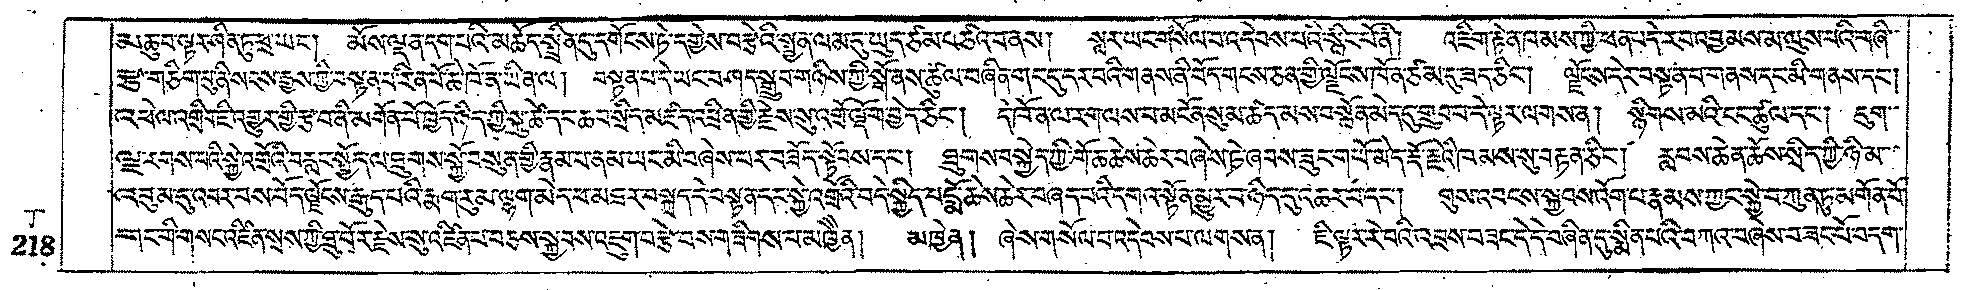མཆུ་བ་ལྟར་ཤིན་ཏུ་ཕྲ་ཡང་། མོས་ལྡན་དག་པའི་མཆོད་སྤྲིན་དུ་དགོངས་ཏེ་དགྱེས་བརྩེའི་སྤྱན་ལམ་དུ་ཡུད་ཙམ་བཙའ་བ་ནས། སླར་ཡང་གསོལ་བ་འདེབས་པའི་སྙིང་པོ་ནི། འཇིག་རྟེན་ཁམས་ཀྱི་ཕན་བདེ་རབ་འབྱམས་མ་ལུས་པའི་གཞི་་་
རྩ་གཅིག་པུ་ནི་སངས་རྒྱས་ཀྱི་བསྟན་པ་རིན་པོ་ཆེ་ཁོ་ན་ཡིན་ལ། བསྟན་པ་དེ་ཡང་བཤད་སྒྲུབ་གཉིས་ཀྱི་སྒོ་ནས་ཚུལ་བཞིན་གང་དུ་དར་བའི་གནས་ནི་བོད་གངས་ཅན་གྱི་ལྗོངས་ཁོ་ན་ཙམ་དུ་ཟད་ཅིང་། ལྗོངས་དེར་བསྟན་པ་གནས་དང་མི་གནས་དང་།
འཕེལ་འགྲིབ་ཇི་འགྱུར་གྱི་རྩ་བ་ནི་མགོན་པོ་ཁྱོད་ཉིད་ཀྱི་སྐུ་ཚེ་དང་ཆབ་སྲིད་མཛད་འཕྲིན་གྱི་རྗེས་སུ་འགྲོ་ལྡོག་བྱེད་ཅིང་། དེ་ཁོ་ན་ལ་རག་ལས་པ་མངོན་སུམ་ཚད་མས་བསྙོན་མེད་དུ་གྲུབ་པ་དེ་ལྟར་ལགས་ན། སྙིགས་མའི་ངང་ཚུལ་དང་། དུག་་་
ལྔ་རགས་པའི་སྐྱེ་འགྲོའི་བརླང་སྤྱོད་ལ་ཐུགས་སྐྱོ་བསུན་གྱི་རྣམ་པ་ནམ་ཡང་མི་བཞེས་པར་བཟོད་སྟོབས་དང་། ཐུགས་བསྐྱེད་ཀྱི་གོ་ཆ་ཆེས་ཆེར་བཞེས་ཏེ་ཞབས་ཟུང་གཡོ་མེད་རྡོ་རྗེའི་ཁམས་སུ་བརྟན་ཅིང་། རླབས་ཆེན་ཆོས་སྲིད་ཀྱི་ཉི་མ་་་
འབུམ་དུ་འབར་བས་བོད་ལྗོངས་རྒུད་པའི་རྨག་རུམ་ལྷག་མེད་ཕ་མཐར་བསྐྲད་དེ་བསྟན་དང་སྐྱེ་འགྲོའི་བདེ་སྐྱིད་པདམོ་ཆེས་ཆེར་བཞད་པའི་དགའ་སྟོན་མྱུར་བ་ཉིད་དུ་འཆར་བ་དང་། གུས་འབངས་སྐྱབས་འོག་པ་རྣམས་ཀྱང་སྐྱེ་བ་ཀུན་ཏུ་མགོན་པོ་
གང་གི་གསང་འཛིན་སྲས་ཀྱི་ཐུ་བོར་རྗེས་སུ་འཛིན་པ་བཅས་སྐྱབས་འཇུག་བརྩེ་བས་གཟིགས་པ་མཁྱཻཨེན། མཁྱེན། ཞེས་གསོལ་བ་འདེབས་པ་ལགས་ན། ཇི་ལྟར་རེ་བའི་འབྲས་བཟང་དེ་དེ་བཞིན་དུ་སྨིན་པའི་བཀའ་བཞེས་བཟང་པོ་བདག་